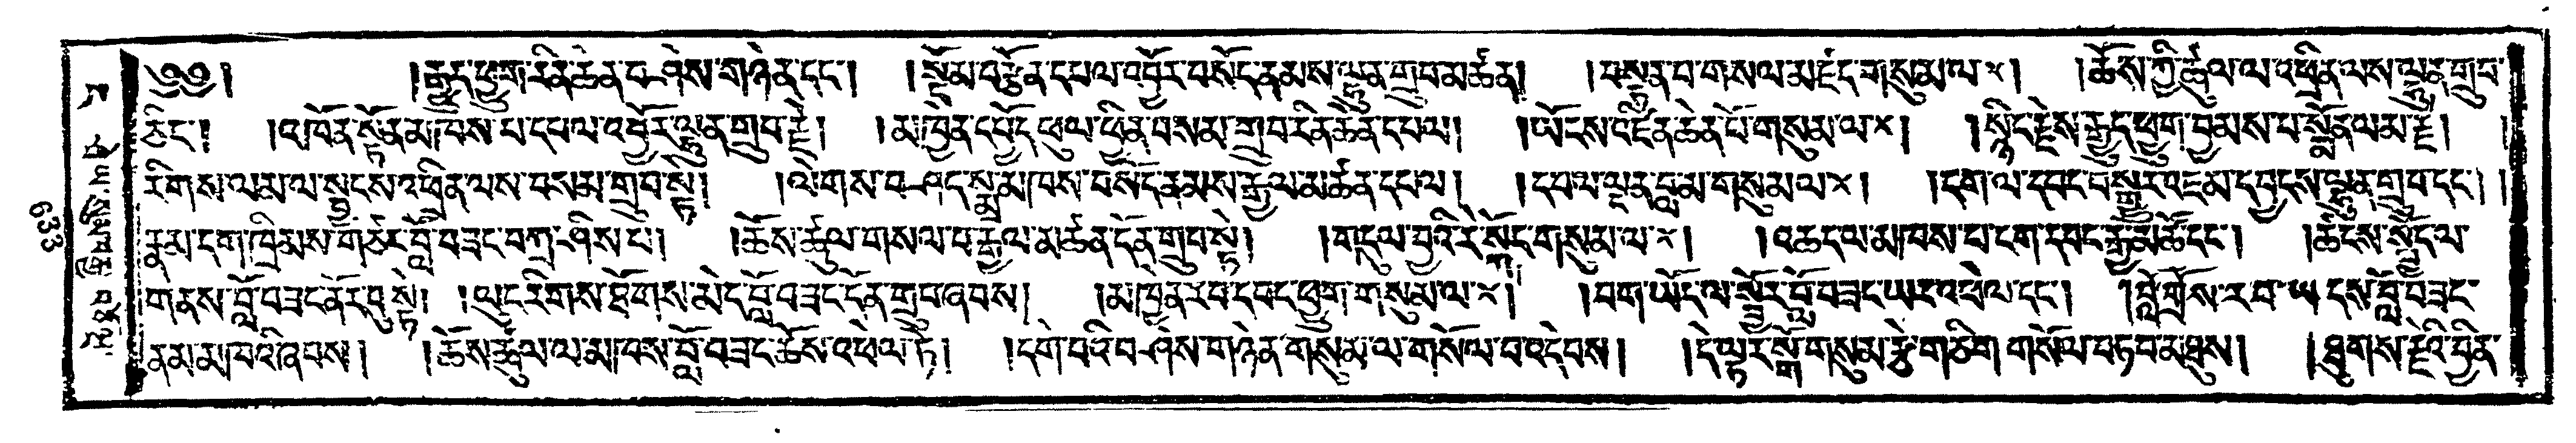༄༅། །རྒྱུད་ཕྱུག་རིན་ཆེན་བཤེས་གཉེན་དང་། །སྡོམ་བརྩོན་དཔལ་འབྱོར་བསོད་ནམས་ལྷུན་གྲུབ་མཚན། །བསྟན་པ་གསལ་མཛད་གསུམ་ལ་྾། །ཆོས་ཀྱི་ཚུལ་ལ་འཕྲིན་ལས་ལྷུན་གྲུབ་
ཅིང་། །འཁོན་སྟོན་མཁས་པ་དཔལ་འབྱོར་ལྷུན་གྲུབ་རྗེ། །མཁྱེན་དཔྱོད་ཕུལ་ཕྱིན་བསམ་གྲུབ་རིན་ཆེན་དཔལ། །ཡོངས་འཛིན་ཆེན་པོ་གསུམ་ལ་྾། །སྙིང་རྗེས་རྒྱུད་ཕྱུག་བྱམས་པ་སྨོན་ལམ་རྗེ། །
རིགས་ལམ་ལ་སྦྱངས་འཕྲིན་ལས་བསམ་གྲུབ་སྟེ། །ལེགས་བཤད་སྨྲ་མཁས་བསོད་ནམས་རྒྱལ་མཚན་དཔལ། །དཔལ་ལྡན་བླ་མ་གསུམ་ལ་྾། །དག་ལ་དབང་བསྒྱུར་འཇམ་དབྱངས་ལྷུན་གྲུབ་དང་། །
རྣམ་དག་ཁྲིམས་གཙང་བློ་བཟང་བཀྲ་ཤིས་པ། །ཆོས་ཚུལ་གསལ་བ་རྒྱལ་མཚན་དོན་གྲུབ་སྟེ། །གདུལ་བྱའི་རེ་སྐོང་གསུམ་ལ་྾། །འཆད་ལ་མཁས་པ་ངག་དབང་རྒྱ་མཚོ་དང་། །ཚངས་སྤྱོད་ལ་
གནས་བློ་བཟང་ནོར་བུ་སྟེ། །ལུང་རིགས་ཐོགས་མེད་བློ་བཟང་དོན་གྲུབ་ཞབས། །མཁྱེན་རབ་དབང་ཕྱུག་གསུམ་ལ་྾། །བག་ཡོད་ལ་སྦྱོར་བློ་བཟང་ཡར་འཕེལ་དང་། །བློ་གྲོས་རབ་ཡངས་བློ་བཟང་
ནམ་མཁའི་ཞབས། །ཆོས་ཚུལ་ལ་མཁས་བློ་བཟང་ཆོས་འཕེལ་ཏེ། །དགེ་བའི་བཤེས་གཉེན་གསུམ་ལ་གསོལ་བ་འདེབས། །དེ་ལྟར་སྒོ་གསུམ་རྩེ་གཅིག་གསོལ་བཏབ་མཐུས། །ཐུགས་རྗེའི་བྱིན་